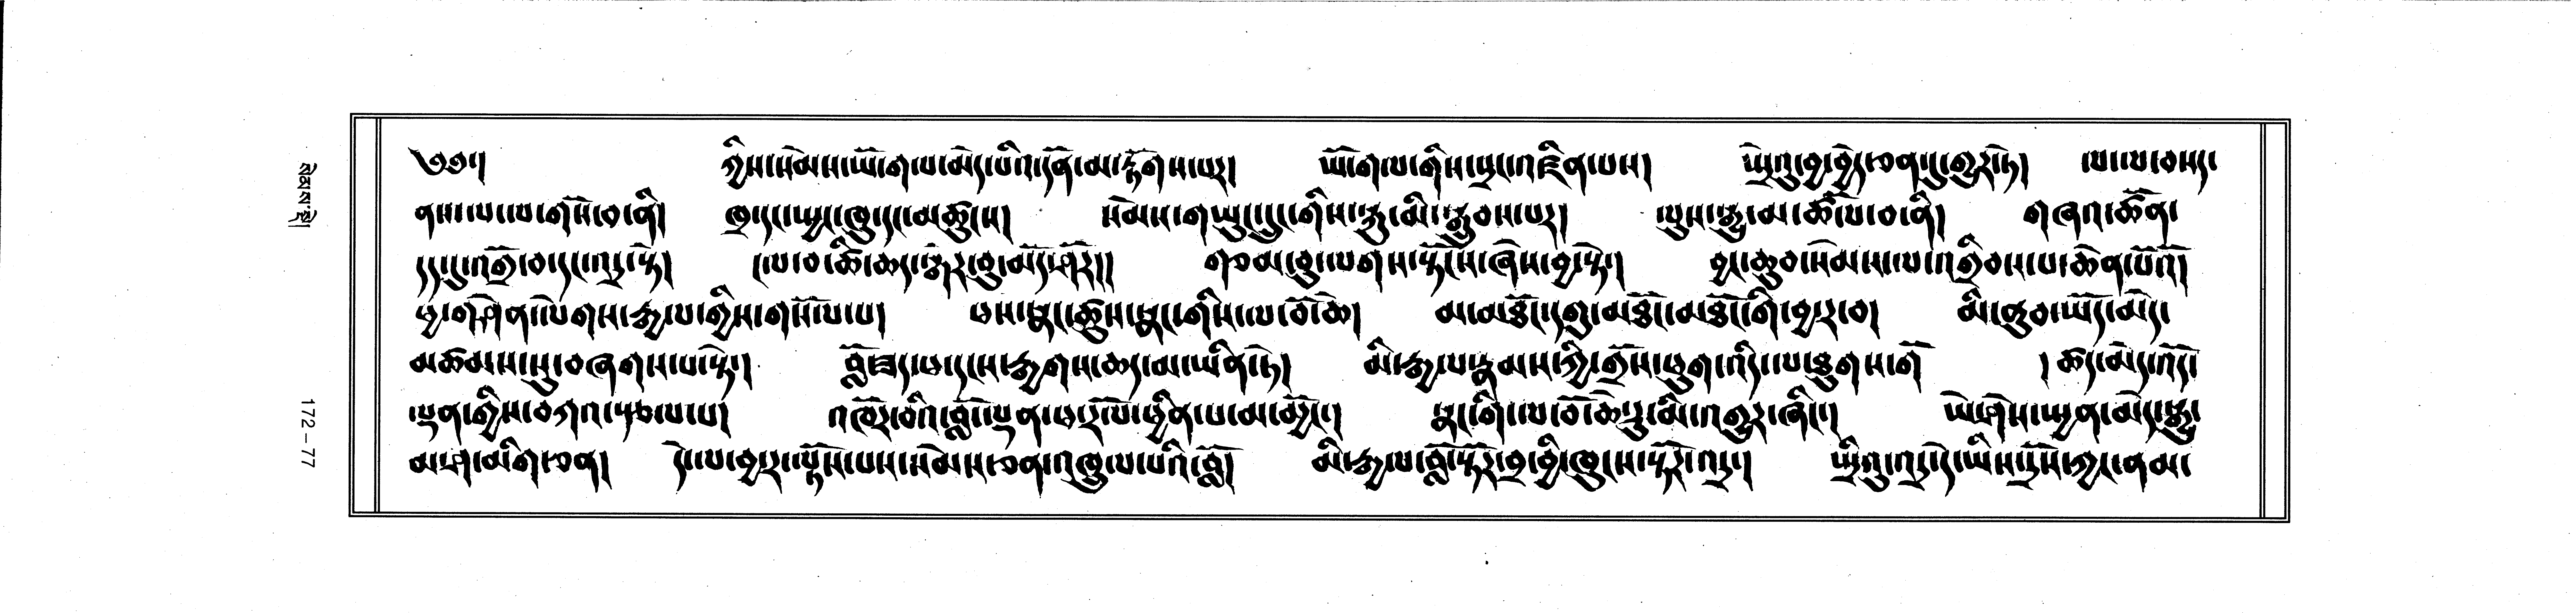ཀྱིས་སེམས་ཡོ་གལ་མེད་པའི་དོན་མ་རྟོགས་པར། ཡོ་གལ་གིས་སྲང་འཛིན་པས། སྤྲེའུ་བྱ་བྱེད་ཅན་དུ་གྱུར་ཏེ། ལ་ལ་བསད་
ནས་ལ་ལ་གསོ་བ་ནི། ཁྲ་དང་སྤྱང་ཁུ་དང་མཚུངས། སེམས་གཡུང་དྲུང་གིས་སྐུ་མི་སྒྲུབས་པར། ལུས་སྒྱུ་མ་ཚོལ་བ་ནི། གཞའ་ཚོན་
དད་དུ་འགྲོ་བ་དང་འདྲ་སྟེ། ངལ་བ་ཚི་ཆད་སྒེར་བུ་མདོ་ཤོར། གཅམ་བུ་ལགས་སྟོངས་ཞེས་བྱ་སྟེ། བྱང་ཆུབ་སེམས་ལ་འགྲིབས་པ་ཆེན་པོའོ། 
ཕྱ་གཤེན་ལེགས་རྒྱལ་གྱིས་གསོལ་པ། ཕས་སྣང་ཚུས་སྣང་གིས་ལ་བོ་ཆེ། མ་མཐོང་དགུ་མཐོང་མཐོང་གི་བྱ་ར་བ། མི་ནུབ་ཡོད་མེད་
མཚམས་སུ་བཞགས་པ་སྟེ། བློ་ཟད་ཕ་དངས་རྒྱགས་ཆད་མ་ཡིན་ཏེ། མི་རྒྱལ་རྣམས་ཀྱི་གྲོས་ཕུག་འདི་ལ་ཐུགས་གོ ཚད་མེད་འོད་
ལྡན་གྱིས་བཀའ་སྩལ་པ། འཁོར་བའི་བློ་ལྡན་ཕ་རོལ་ཕྱིན་པ་མ་མྱོང་། སྣང་གི་ལ་བོ་ཆེ་རུ་མི་འགྱུར་ཞིང་། ཡེ་ཤེས་སྤྱན་མེད་སྒྱུ་
མ་ཤ་མིག་ཅན། དེ་ལ་བྱ་ར་ལྟོས་པས་སེམས་ཅན་འཁྲུལ་པའི་བློ། མི་རྒྱལ་བློ་སྟོར་བྲ་བྱི་ཁུངས་སྟོར་འདྲ། སྤྲིའུ་འདྲ་དེ་ཡིས་དྲོས་ཀྱང་ནམ་